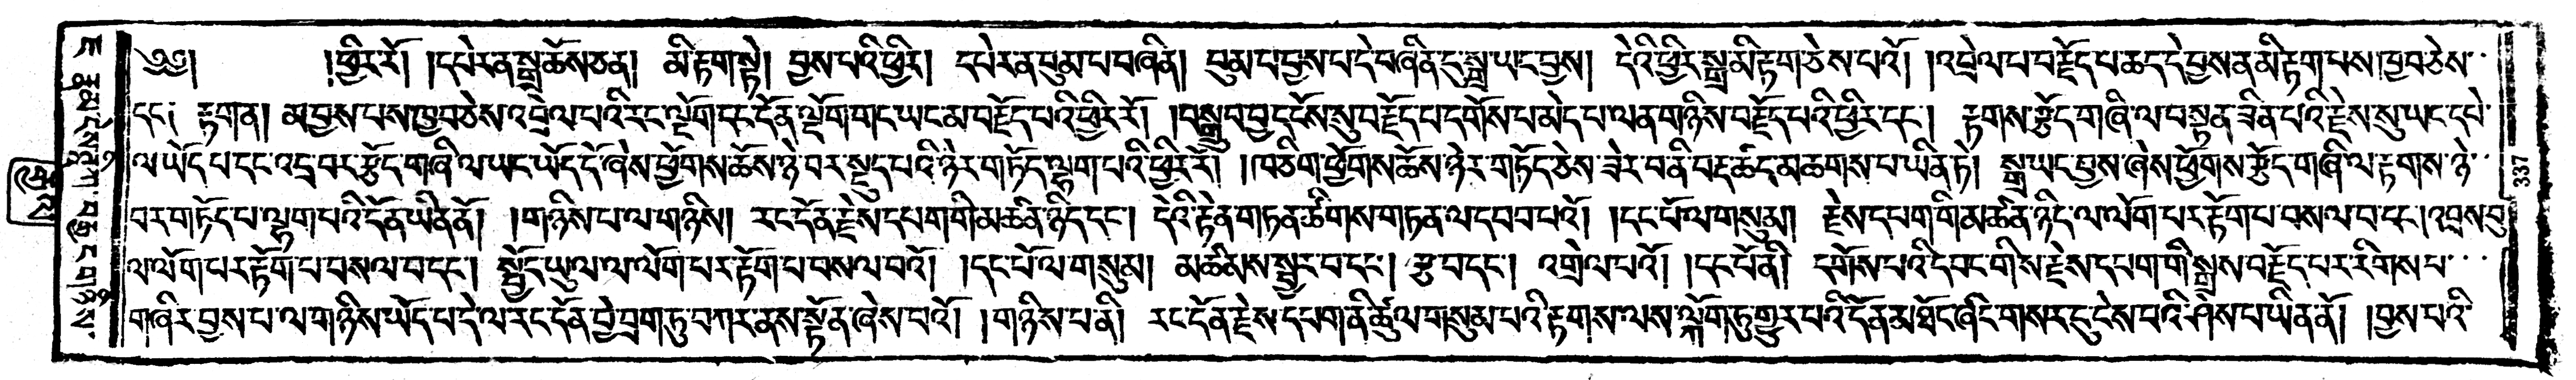༄༅། །ཕྱིར་རོ། །དཔེར་ན་སྒྲ་ཆོས་ཅན། མི་རྟག་སྟེ། བྱས་པའི་ཕྱིར། དཔེར་ན་བུམ་པ་བཞིན། བུམ་པ་བྱས་པ་དེ་བཞིན་དུ་སྒྲ་ཡང་བྱས། དེའི་ཕྱིར་སྒྲ་མི་རྟག་ཅེས་པའོ། །འབྲེལ་པ་བརྗོད་པ་ཆད་དེ་བྱས་ན་མི་རྟག་པས་ཁྱབ་ཅེས་
དང་། རྟག་ན། མ་བྱས་པས་ཁྱབ་ཅེས་འབྲེལ་པའི་རང་ལྡོག་དང་དོན་ལྡོག་གང་ཡང་མ་བརྗོད་པའི་ཕྱིར་རོ། །བསྒྲུབ་བྱ་དངོས་སུ་བརྗོད་པ་དགོས་པ་མེད་པ་ལན་གཉིས་བརྗོད་པའི་ཕྱིར་དང་། རྟགས་རྩོད་གཞི་ལ་བསྟན་ཟིན་པའི་རྗེས་སུ་ཡང་དཔེ་
ལ་ཡོད་པ་དང་འདྲ་བར་རྩོད་གཞི་ལ་ཡང་ཡོད་དོ་ཞེས་ཕྱོགས་ཆོས་ཉེ་བར་སྡུད་པའི་ཉེར་གཏོད་ལྷག་པའི་ཕྱིར་རོ། །ཁ་ཅིག་ཕྱོགས་ཆོས་ཉེར་གཏོད་ཅེས་ཟེར་བ་ནི་བརྡ་ཚད་མ་ཆགས་པ་ཡིན་ཏེ། སྒྲ་ཡང་བྱས་ཞེས་ཕྱོགས་རྩོད་གཞི་ལ་རྟགས་ཉེ་
བར་གཏོད་པ་ལྷག་པའི་དོན་ཡིན་ནོ། །གཉིས་པ་ལ་གཉིས། རང་དོན་རྗེས་དཔག་གི་མཚན་ཉིད་དང་། དེའི་རྟེན་གཏན་ཚིགས་གཏན་ལ་དབབ་པའོ། །དང་པོ་ལ་གསུམ། རྗེས་དཔག་གི་མཚན་ཉིད་ལ་ལོག་པར་རྟོག་པ་བསལ་བ་དང་། འབྲས་བུ་
ལ་ལོག་པར་རྟོག་པ་བསལ་བ་དང་། སྤྱོད་ཡུལ་ལ་ལོག་པར་རྟོག་པ་བསལ་བའོ། །དང་པོ་ལ་གསུམ། མཚམས་སྦྱར་བ་དང་། རྩ་བ་དང་། འགྲེལ་པའོ། །དང་པོ་ནི། དགོས་པའི་དབང་གིས་རྗེས་དཔག་གི་སྒྲས་བརྗོད་པར་རིགས་པ་
གཞིར་བྱས་པ་ལ་གཉིས་ཡོད་པ་དེ་ལ་རང་དོན་བྱེ་བྲག་ཏུ་བཀར་ནས་སྟོན་ཞེས་པའོ། །གཉིས་པ་ནི། རང་དོན་རྗེས་དཔག་ནི་ཚུལ་གསུམ་པའི་རྟགས་ལས་ལྐོག་ཏུ་གྱུར་པའི་དོན་མཐོང་ཞིང་གསར་དུ་ངེས་པའི་ཤེས་པ་ཡིན་ནོ། །བྱས་པའི་